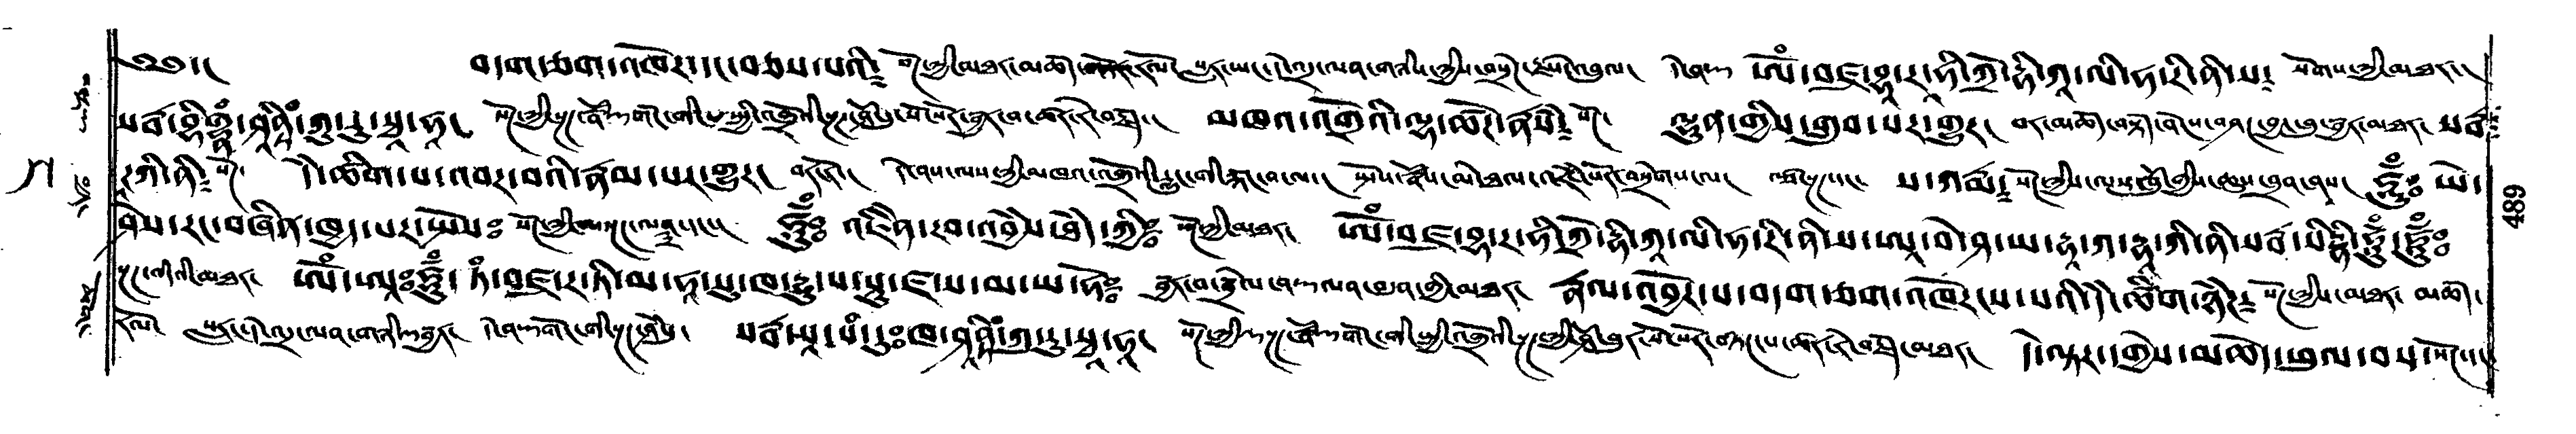བདག་ཅག་འཁོར་དང་བཅས་པའི༴ སོགས་ཀྱི་མཐར་མཆོད་རོལ།སླར་ཡང་དེ་འདྲ་ལན་གཉིས་ཀྱིས་སྲེག་རྫས་འབུལ། དེ་ནས། ཨོཾ་བཛྲ་བྷཱ་རཱ་ཧི་ཀྲོ་དྷི་ཀཱ་ལི་ཧ་རི་ནི་ས༴ སོགས་ཀྱི་མཐར། 
སརྦ་བྷིགྷྣཾ་ཤཱནྟིཾ་ཀུ་རུ་སྭ་ཧཱ༔ སོགས་ཀྱི་སྔགས་རྣམས་གོང་གི་སྤྱི་འགྲོའི་སྔགས་གཤམ་དུ་སོ་སོར་སྦྱར་བ་ཚར་རེ་བརྗོད། མཁའ་འགྲོའི་ལྷ་ཚོགས་རྣམས༴ སོགས། ལྷུན་གྱིས་གྲུབ་པར་གྱུར༔ བར་མཆོད་བསྟོད་ནོངས་བཤགས་བྱང་བུ་སྦྱར་མཐར། སརྦ་
ཌཱཀི་ནི༴ སོགས། དམ་ཚིག་པ་འབར་བའི་རྣམ་པར་གྱུར༔ བར་རོ། དེ་ནས་ལས་ཀྱི་མཁའ་འགྲོའི་རླུང་གི་སྐོང་བ་ལ། སྤོས་རྣམས་མེ་ཐབ་འཇམ་པར་བསྲེགས་ལ། རྩ་སྔགས་དང་། ས་ཀརྨ༴ སོགས་ཀྱིས་ལས་བུམ་གྱི་ཆུས་བྲན་ནས། ཧཱུྃ༔ ཡེ་
ཤེས་རང་བཞིན་ཁྱད་པར་སྤོས༔ སོགས་ཀྱི་སྔགས་ལན་གསུམ་དང་། ཧཱུྃ༔ འཇིག་རྟེན་རབ་འབྱམས་ཐམས་ཅད་ཀྱི༔ སོགས་ཀྱི་མཐར། ཨོཾ་བཛྲ་བྷ་ར་ཧི་ཀྲོ་དྷི་ཀཱ་ལི་ཧ་རི་ནི་ས་ཨཱ་བེ་ཤ་ཡ་དྷཱ་ཀ་དྷཱ་ཀི་ནི་སརྦ་སིདྡྷི་ཧཱུྃ་ཧཱུྃ༔ 
སྔགས་འདིའི་མཐར། ཨོཾ་ཨཱཿཧཱུྃ༔ ཏཾ་བཛྲ་ར་ཏི་མ་ཧཱ་སུ་ཁ་དྷུ་པ་པཱུ་ཛ་ས་མ་ཧོ༔ སྦྱར་བ་སྦྲེལ་ནས་ལན་བདུན་གྱི་མཐར། རྣལ་འབྱོར་པ་བདག་ཅག་འཁོར་དང་བཅས་པའི་དམ་ཚིག་ཉམས་ཆག༴ སོགས་ཀྱི་མཐར། མཆོད་
རོལ། སླར་དེ་འདྲ་ལན་གཉིས་སྦྱར། དེ་ནས་གོང་གི་སྔགས་གཤམ་དུ། སརྦ་པཱ་པཾ་དུཿཁ་ཤཱནྟཱིཾ་ཀུ་རུ་སྭ་ཧཱ༔ སོགས་ཀྱིས་སྔགས་རྣམས་གོང་གི་སྤྱི་འགྲོའི་སྔགས་ཀྱི་གཤམ་བུར་སོ་སོར་བཏགས་པ་ཚར་རེ་བརྗོད་མཐར། དེ་ལྟར་དགྱེས་མཆོད་ཕུལ་བས༴ སོགས་དང་།